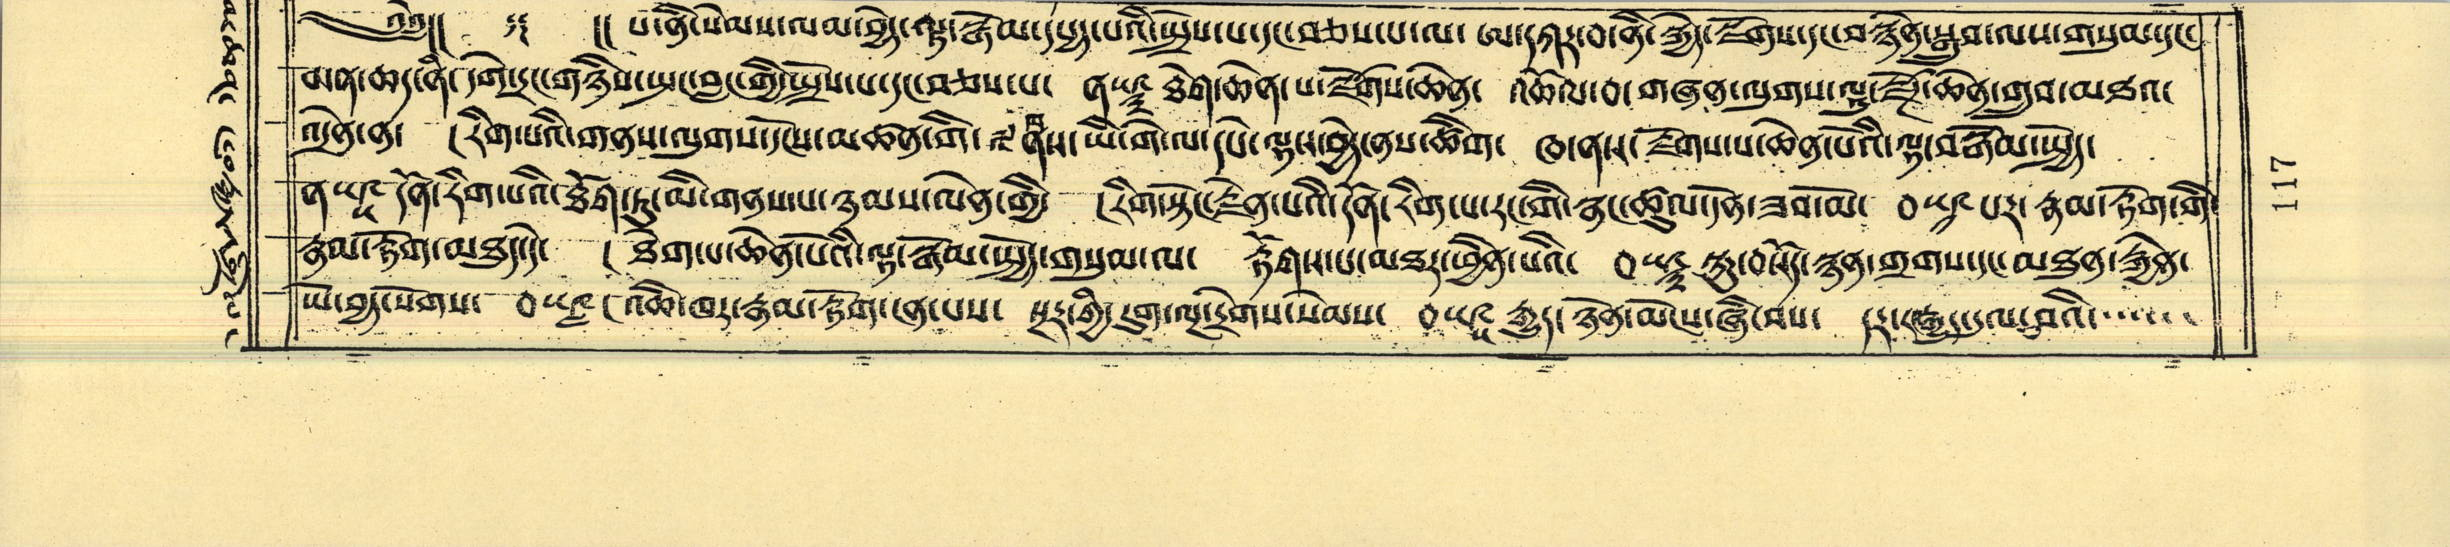པ་ནི་སེམས་ལམ་བྱེད་ལྟ་སྒོམ་དཔྱད་པའི་སྤྲོས་པ་དང་བཅས་པ་ལ་ ཨ་དཀར་བ་ནི་བསྐྱེད་རྫོགས་དང་བསྙེན་སྒྲུབ་ལས་གསུམ་
མན་ཆད་ནི་དགེ་དྲང་གཉིས་སྤང་བླང་གི་སྤྲོས་པ་དང་བཅས་པ་ ན༥༩།༣ཐེག་ཆེན་པ་རྫོགས་ཆེན་ འཆོལ་བ་གཞན་ལུགས་ལྟ་བུ་རྫོགས་ཆེན་གྲུབ་མཐའ་
འདྲེན་ན་ རིག་པའི་གནས་ལུགས་དངོས་མཚན་གི་ ནས་ཡི་གེ་ལ་དཔེ་ལྟས་བྱེད་ནས་ཚིག་ ཁ་ནས་རྫོགས་པ་ཆེན་པོའི་ལྟ་སྒོམ་སྤྱོད་
ན༥༩།༥ དོན་རིག་པའི་ཐོག་ཏུ་མི་གནས་པ་ཉམས་ལེན་གྱི་ རིག་སྟོང་རྗེན་པའི་དོན་རིག་པ་རང་གི་སྣང་ཚུལ་དོན་ཟབ་མོ་ བ༥༩།༡པར་རྣམ་རྟོག་གིས་
རྣམ་རྟོག་མཐུད་དེ་ ཐེག་པ་ཆེན་པོའི་ལྟ་སྒོམ་སྤྱོད་གསུམ་ལ་ རྟོགས་པ་མཐར་ཕྱིན་པའི་ བ༥༩།༣སྐུ་བསོད་སྙན་གྲགས་དང་མཐུན་རྐྱེན་
ཡོ་བྱད་སོགས་ བ༥༩།༤འཆི་ཁར་རྣམ་རྟོག་ངན་པས་ སྔར་གྱི་དུག་ལྔ་དྲེགས་སེམས་ བ༥༩།༥རྒྱུད་ཉོན་མོངས་ཞི་བས་ དར་རང་རྒྱུད་དུལ་བའི